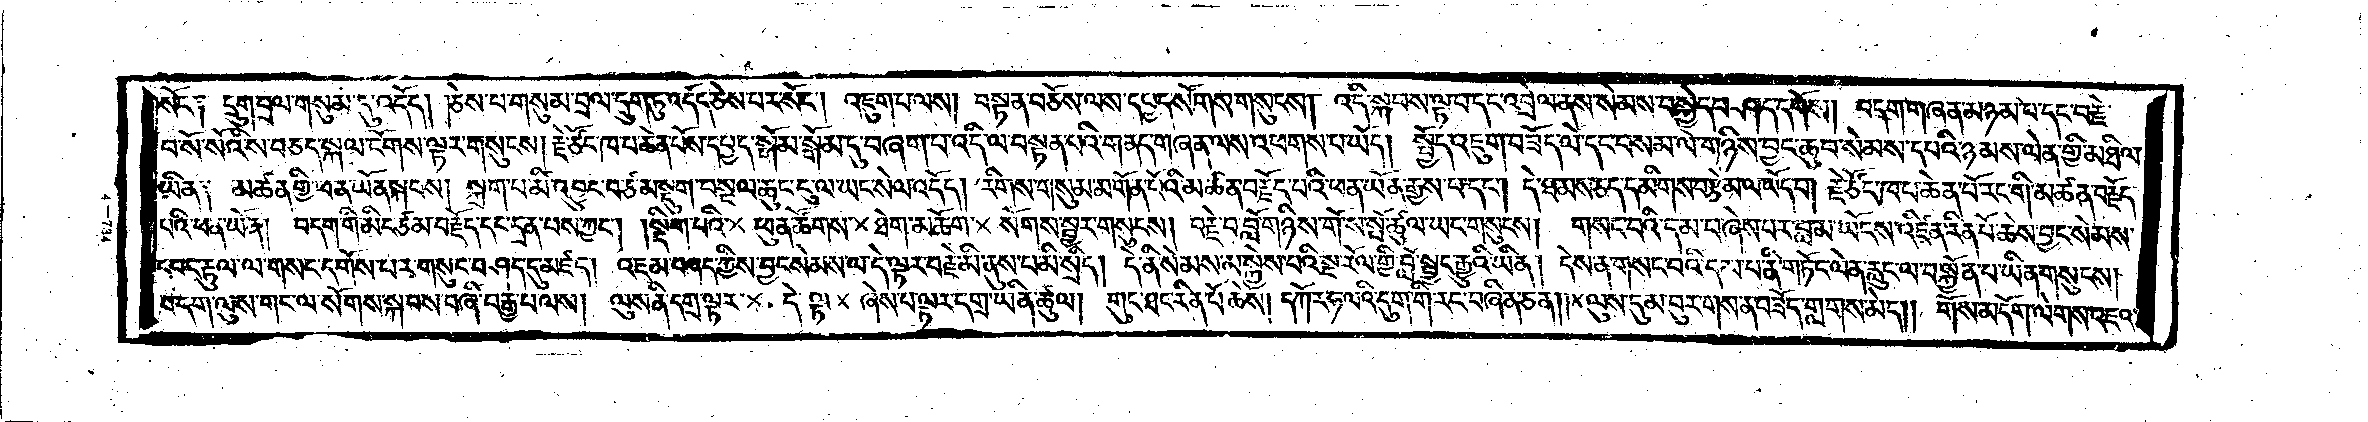སོང༑ དྲུག་བྲལ་གསུམ་དུ་འདོད། །ཅེས་པ་གསུམ་བྲལ་དྲུག་ཏུ་འདོད་ཅེས་པར་སོང་། འཇུག་པ་ལས། བསྟན་བཅོས་ལས་དཔྱད་སོགས་གསུངས། འདི་སྐབས་ལྟ་བ་དང་འཕྲེལ་ནས་སེམས་བསྐྱེད་བཤད་དགོས། བདག་གཞན་མཉམ་པ་དང་བརྗེ་
པ་སོ་སོའི་ས་བཅད་སྐལ་ངོགས་ལྟར་གསུངས། རྗེ་ཙོང་ཁ་པ་ཆེན་པོས་དཔྱད་སྒོམ་སྒོམ་དུ་བཞག་པ་འདི་ལ་བསྟན་པའི་གནད་གཞན་ལས་འཕགས་པ་ཡོད། སྤྱོད་འཇུག་བཟོད་ལེ་དང་བསམ་ལེ་གཉིས་བྱང་ཆུབ་སེམས་དཔའི་ཉམས་ལེན་གྱི་མཐིལ་
ཡིན༑ མཚན་གྱི་ཕན་ཡོན་སྐབས། སྐྲག་པ་མི་འབྱུང་བ་ཙམ་སྡུག་བསྔལ་ཆུང་དུ་ལ་ཡང་སེལ་འདོད། རིགས་གསུམ་མགོན་པོའི་མཚན་བརྗོད་པའི་ཕན་ཡོན་རྒྱས་པ་དང་། དེ་ཐམས་ཅད་དམིགས་བརྩེམ་ལ་ཡོད་པ། རྗེ་ཙོང་ཁ་པ་ཆེན་པོ་རང་གི་མཚན་བརྗོད་
པའི་ཕན་ཡོན། བདག་གི་མིང་ཙམ་བརྗོད་དང་དྲན་པས་ཀྱང་། །སྡིག་པའི་྾་ཕུན་ཚོགས་྾་ཐེག་མཆོག་྾་སོགས་སྦྱར་གསུངས། བརྗེ་བ་བློ་གཉིས་གོ་ས་སྤོ་ཚུལ་ཡང་གསུངས། གསང་བའི་དམ་པ་ཞེས་པར་བླ་མ་ཡོངས་འཛིན་རིན་པོ་ཆེས་བྱང་སེམས་
དབང་རྟུལ་ལ་གསང་དགོས་པར་གསུང་བཤད་དུ་མཛད། འཇམ་བཞད་ཀྱིས་བྱང་སེམས་ལ་དེ་ལྟར་བརྗེ་མི་ནུས་པ་མི་སྲིད། དེ་ནི་སེམས་མ་སྐྱེས་པའི་སྔ་རོལ་གྱི་བློ་སྦྱང་རྒྱུའི་ཡིན། དེས་ན་གསང་བའི་དམ་པ་ནི་གཏོང་ལེན་རླུང་ལ་བསྐྱོན་པ་ཡིན་གསུངས།
བདག་ལུས་གང་ལ་སོགས་སྐབས་བཞི་བརྒྱ་པ་ལས། ལུས་ནི་དགྲ་ལྟར་྾་དེ་ལྟ་྾་ཞེས་པ་ལྟར་དགྲ་ཡིན་ཚུལ། གུང་ཐང་རིན་པོ་ཆེས། དཀོར་ཧ་ལའི་དུག་གི་རང་བཞིན་ཅན། །྾་ལུས་དུམ་བུར་གས་ན་བཟོད་གླགས་མེད།། གོས་མདོག་ལེགས་འཇའ་